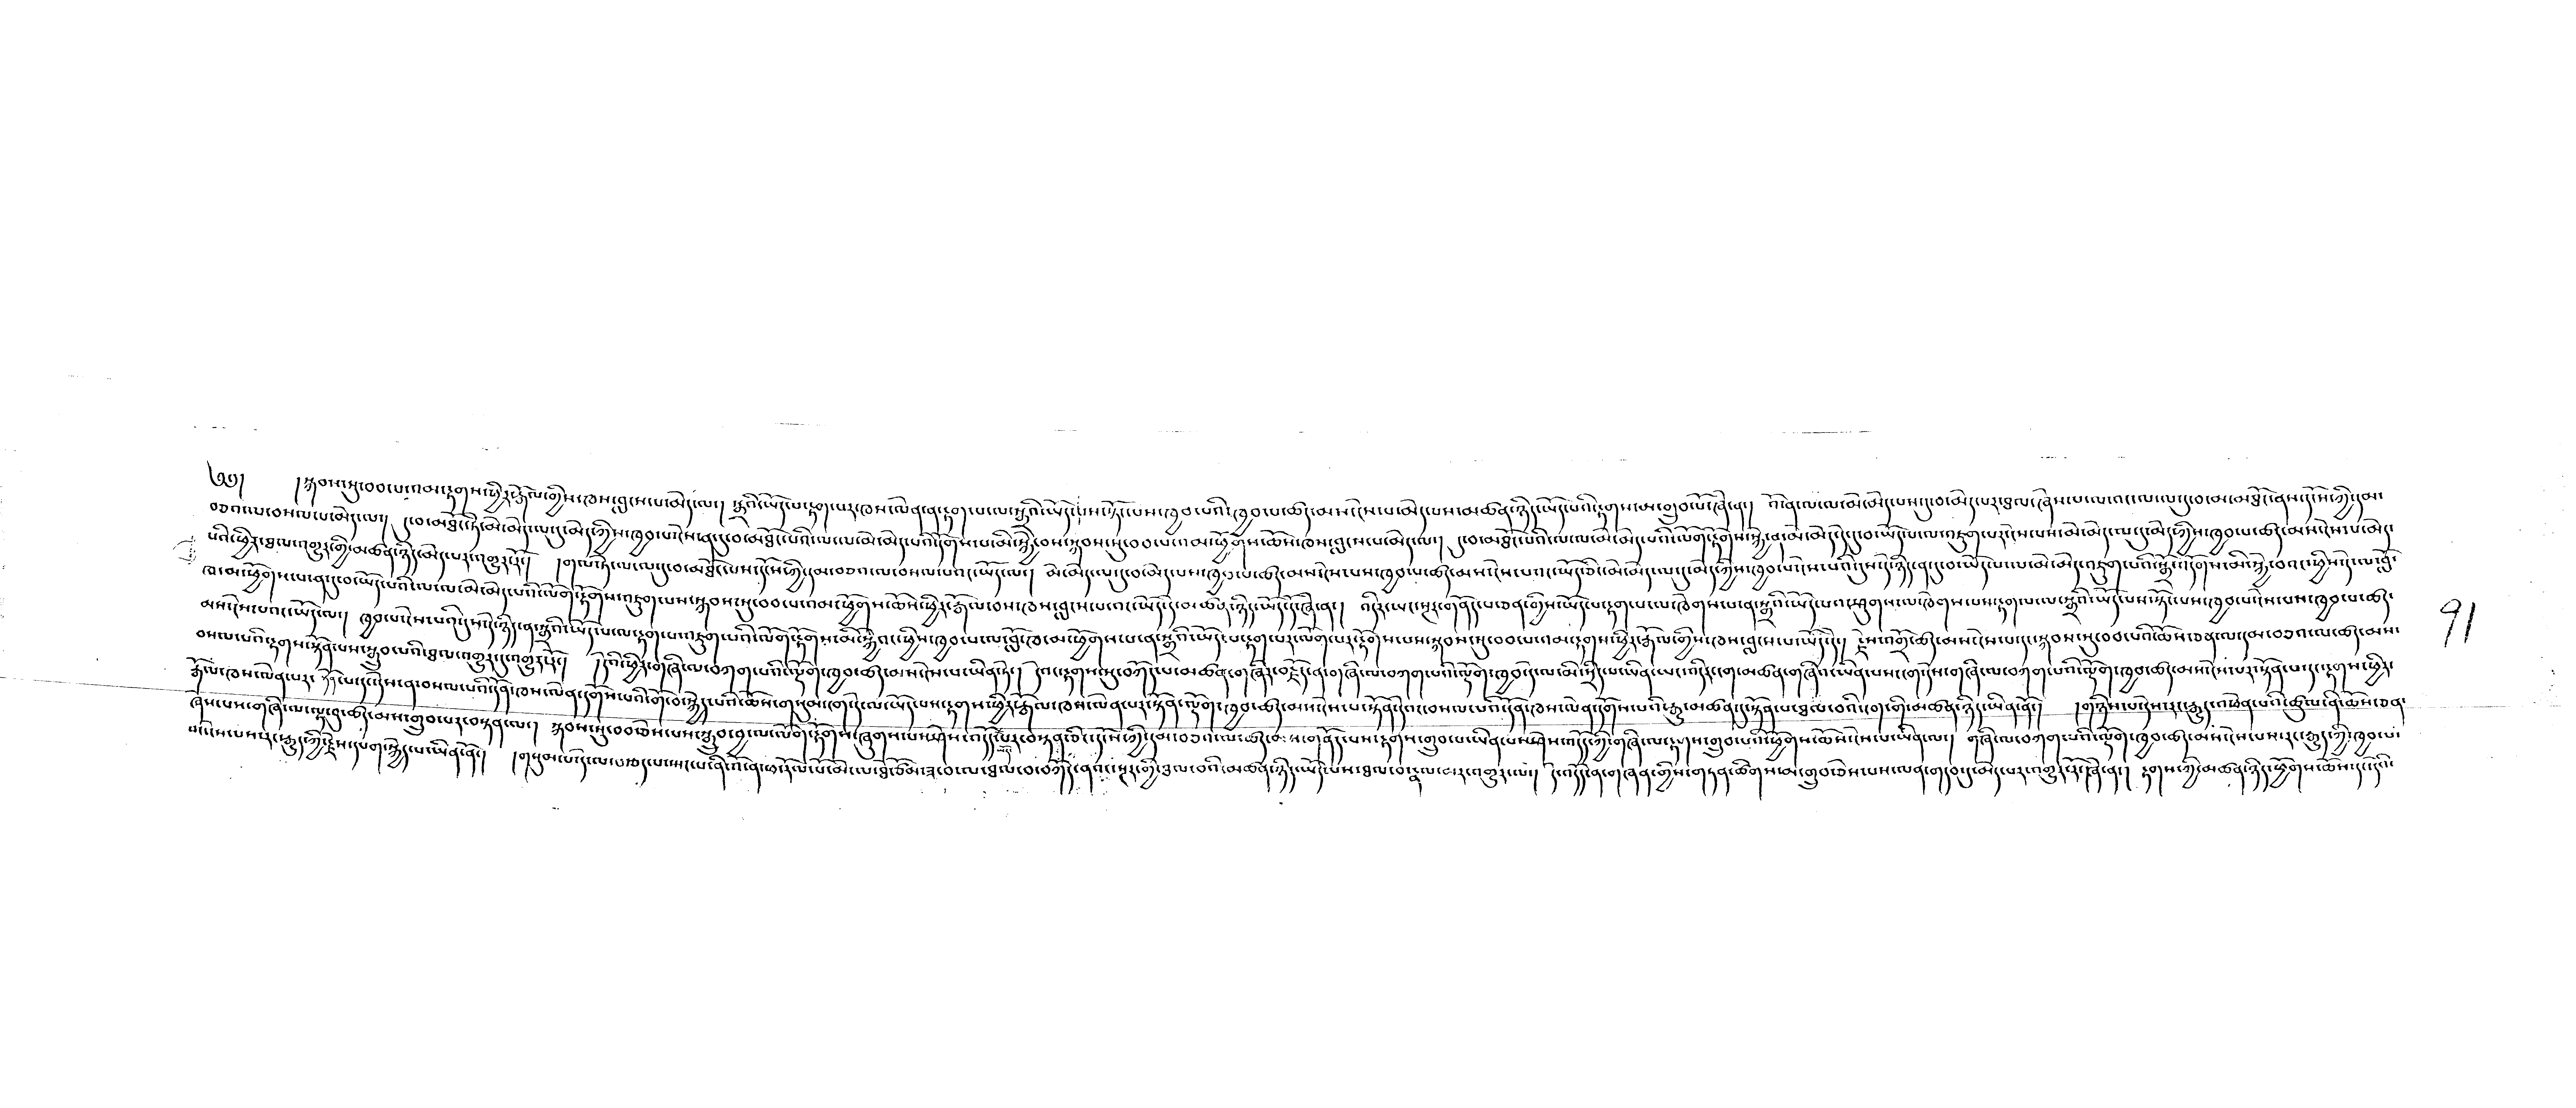༄༅། །སྐབས་སུ་བབ་པ་འམ་རྟགས་ཕྱིར་རྒོལ་གྱིས་ཁས་བླངས་པ་མེད་ལ། སྒྲའི་ཡོད་པ་རྟག་པར་ཁས་ལེན་ན་རྟག་པ་ལ་སྒྲའི་ཡོད་པས་སྟོང་པས་ཁྱབ་པའི་ཁྱབ་པ་ཚད་མས་ངེས་པ་མེད་པས་མཚན་ཉིད་ཡོད་པའི་རྟགས་མ་གྲུབ་པོ་ཞེ་ན། འོ་ན་ལ་ལ་མེ་མེད་པས་དུ་བ་མེད་པར་ཐལ་ཞེས་པ་ལ་འང་ལ་ལ་དུ་བ་མ་མཐོང་ནས་དངོས་ཀྱི་དམ་
བཅའ་ལ་བསལ་པ་མེད་ལ། དུ་བ་མཐོང་ཏེ་མེ་མེད་ལ་དུ་མེད་ཀྱིས་ཁྱབ་པ་ངེས་ན་དུ་བ་མཐོང་པའི་ལ་ལ་མེ་མེད་པའི་དོགས་པ་མི་སྐྱེ་བས་སྐབས་སུ་བབ་པ་འམ་ཕྱོགས་ཆོས་ཁས་བླངས་པ་མེད་ལ། དུ་བ་མཐོང་པའི་ལ་ལ་མེ་མེད་པའི་ལོག་རྟོགས་སྐྱེ་ན་མེ་མེད་དེ་དུ་བ་ཡོད་པ་ལ་འཇུག་པར་ངེས་པས་མེ་མེད་ལ་དུ་མེད་ཀྱིས་ཁྱབ་པ་ཚད་མས་ངེས་པ་མེད་
པའི་ཕྱིར་ཐལ་འགྱུར་གྱི་མཚན་ཉིད་མེད་པར་འགྱུར་རོ། །གལ་ཏེ་ལ་ལ་དུ་བ་མཐོང་པས་དངོས་ཀྱི་དམ་བཅའ་ལ་བསལ་པའང་ཡོད་ལ། མེ་མེད་ལ་དུ་བ་མེད་པས་ཁྱབ་པ་ཚད་མས་ངེས་པས་ཁྱབ་པ་ཚད་མས་ངེས་པའང་ཡོད་ཅིང་མེ་མེད་པ་དུ་མེད་ཀྱིས་ཁྱབ་པ་ངེས་པའི་དུས་དེ་ཉིད་ན་དུ་བ་ཡོད་པ་ལ་མེ་མེད་འཇུག་པའི་སྒྲོ་འདོགས་མི་སྐྱེ་བའང་ཕྱིས་དེ་ལ་བློ་
ཁ་མ་ཕྱོགས་པ་ན་དུ་བ་ཡོད་པའི་ལ་ལ་མེ་མེད་པའི་ལོག་རྟོགས་འཇུག་པས་སྐབས་སུ་བབ་པ་འམ་ཕྱོགས་ཆོས་ཕྱིར་རྒོལ་བས་ཁས་བླངས་པ་འང་ཡོད་དེ་མཚན་ཉིད་ཡོད་དོ་ཞེ་ན། འདིར་ཡང་སྔར་གནོད་པ་ཅན་གྱིས་ཡོད་པ་རྟག་པ་ལ་ཁེགས་པ་ན་སྒྲའི་ཡོད་པའང་ཤུགས་ལ་ཁེགས་པས་རྟག་པ་ལ་སྒྲའི་ཡོད་པས་སྟོང་པས་ཁྱབ་པ་ངེས་པས་ཁྱབ་པ་ཚད་
མས་ངེས་པའང་ཡོད་ལ། ཁྱབ་པ་ངེས་པའི་དུས་དེ་ཉིད་ན་སྒྲའི་ཡོད་པ་ལ་རྟག་པ་འཇུག་པའི་ལོག་རྟོགས་མི་སྐྱེའང་ཕྱིས་ཁྱབ་པ་ལ་བློ་ཁ་མ་ཕྱོགས་པ་ན་སྒྲའི་ཡོད་པ་རྟག་པར་ལོག་པར་རྟོགས་པས་སྐབས་སུ་བབ་པ་འམ་རྟགས་ཕྱིར་རྒོལ་གྱིས་ཁས་བླངས་པ་ཡོད་དེ། རྗེས་འགྲོ་ཚད་མས་ངེས་པ་དང་སྐབས་སུ་བབ་པའི་ཆོས་ཅན་ལ་དམ་བཅའ་ལ་ཚད་མས་
བསལ་པའི་རྟགས་སྟོན་པས་སྒྲུབ་པའི་ཐལ་འགྱུར་དུ་འགྱུར་རོ། །དེའི་ཕྱིར་གཞི་ལ་བཀག་པའི་ལྡོག་ཁྱབ་ཚད་མས་ངེས་པ་ཡིན་ཏེ། དེའང་རྟགས་སུ་བཀོད་པ་མཚན་གཞིར་བརྗོད་ན་གཞི་ལ་བཀག་པའི་ལྡོག་ཁྱབ་དེ་ལ་མི་སྲིད་པ་ཡིན་ཡང་འདིར་ངག་མཚན་གཞིའ་ཡིན་པས་ངག་དེས་གཞི་ལ་བཀག་པའི་ལྡོག་ཁྱབ་ཚད་མས་ངེས་པར་སྟོན་པ་དང་རྟགས་ཕྱིར་
རྒོལ་ཁས་ལེན་པར་སྟོན་པ་དང་དེས་ན་བསལ་པའི་དོན་ཁས་ལེན་དགོས་པའི་གོ་བ་སྐྱེད་པའི་ཆོས་གསུམ་ངག་དེ་ལ་ཡོད་པས་རྟགས་ཕྱིར་རྒོལ་ཁས་ལེན་པར་སྟོན་ལྡོག་ཁྱབ་ཚད་མས་ངེས་པ་སྟོན་དེའང་བསལ་པའི་དོན་ཁས་ལེན་དགོས་པའི་རྒྱུ་མཚན་དུ་སྟོན་པ་ཐལ་བའི་ངག་གི་མཚན་ཉིད་ཡིན་ནོ། །གཉིས་པ་དེས་རང་རྒྱུད་འཕེན་པའི་ཚུལ་ནི་ཆོས་ཅན་
ཞེས་པས་གཞི་ལ་ལྟ་བུ་ཚད་མས་གྲུབ་པར་བསྟན་ལ། སྐབས་སུ་བབ་ཅེས་པས་སྒྲུབ་བྱ་ལ་ལོག་རྟོགས་ཞུགས་པ་ཤེས་འདོད་ཡོད་པར་བསྟན་ཅིང་དངོས་ཀྱི་དམ་བཅའ་ལ་ཚད་མས་གནོད་པས་རྟགས་གྲུབ་པ་ཡིན་པས་ཤེས་འདོད་ཀྱི་གཞི་ལ་རྟགས་གྲུབ་པའི་ཕྱོགས་ཆོས་ངེས་པ་ཡིན་ལ། གཞི་ལ་བཀག་པའི་ལྡོག་ཁྱབ་ཚད་མས་ངེས་པས་རང་རྒྱུད་ཀྱི་ཁྱབ་པ་
བང་ངེས་པས་རང་རྒྱུད་ཀྱི་རྗེས་དཔག་སྐྱེད་པ་ཡིན་ནོ། །གསུམ་པ་དེ་ལ་བརྩད་པ་སྤང་པ་ནི་འོ་ན་ཕ་རོལ་པོ་མེ་ལ་ཐེ་ཙོམ་ཟ་བ་ལ་ཐལ་བ་བཀོད་ནའང་སྔར་གྱི་ཐལ་བའི་མཚན་ཉིད་ཡོད་པས་ཐལ་བ་རྣལ་མར་འགྱུར་ལ། དེ་འདོད་ན་གཞན་གྱིས་གཏན་ཚིགས་མ་གྲུབ་ཅེས་པས་ལན་གདབ་དུ་མེད་པར་འགྱུར་རོ། ཞེ་ན། རྟགས་ཀྱི་མཚན་ཉིད་ཕྱོགས་ཆོས་དང་དེའི་